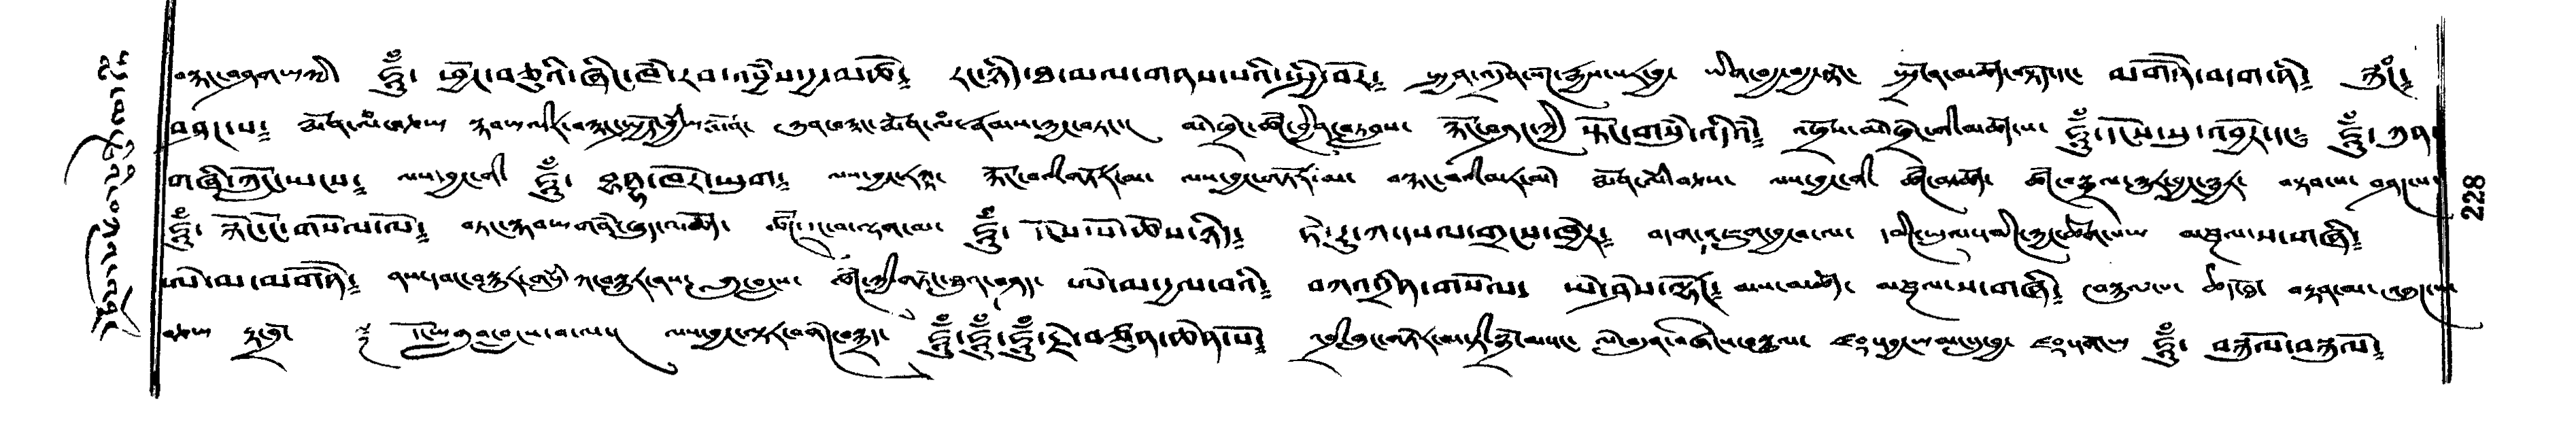སྐོངཔབཤགསཔཀྱ ི ཧཱུྃ༔ ཕྱོགས་བཅུའིཔཞིངཔཁམསཔརབཔའབྱམསཔརྒྱཔམཚོ༴ རངཔཉིདཔཐཔམལཔགནསཔ་འིཔསྤྱིཔབོར༴ སྤྱནཔའདྲེནཔསོགསཔརྒྱསཔ་རཔབྱ། ཡིགཔབརྒྱཔབརྒྱཔསྟོངཔ། སྤྲོཔནཔམཆོདཔབསྟོདཔདངཔ། མགོནཔ་ོཔབདགཔནི༴ སྐུཔགསུངཔཐུགས༴ 
བཤགསཔ་༴ སྨོནཔལམཔབཅས། སྐབསཔའདིརཔབཟངཔསྤྱོདཔབྱམསཔསྨོན། ཀུནཔབཟངཔསྨོནཔལམཔརྣམསཔཀྱངཔགཏངཔ། མེཔཕྲེངཔཚོགསཔབྱིནཔརླབས། སྐོངཔབཤགསཔཀྱི། སྟོངཔགསུམཔའདིའམ༴ འཕྲོསཔམེཔཕྲེངཔགིཔམཆོདཔ་། ཧཱུྃ༔དངོསཔསུཔའབྱོརཔདང༴ ཧཱུྃ༔ ཀུན་
གཞིཀློངཔཡངས༴ལསཔབྱངཔགི ཧཱུྃ༔ བྷནྡྷཔཁོརཔཡུག༴ ལསཔབྱངཔརཀྟ། སྐོངཔབའིཔགཏོརཔམ། ལསཔབྱངཔགཏོརཔམ། སྐོངཔབའིཔམརཔམེ། སྨོནཔལམཔབཅས། ལསཔབྱངཔགི ཚོགསཔམཆོད། ཚོགསཔབསྒྲལཔཟུརཔབྱངཔསྦྱར། བསྟབཔ་། བཤགསཔ་། 
ཧཱུྃ༔ སྐོངཔངོཔགསོལཔལོ༴ གཏོང་སྐབས་གནམ་ཕུད་མཆོད། ཚོགས་དྲང་བཔལྷགཔམ། ཧཱུྃ༔ དངོསཔ་ོཔཆོསཔཉིད༴ ཧེཔརུཔཀཔད་ལཔགྲོངཔཁྱེར༴ བདགཔའཇུགཔབྱཔབཔལ། དམིགསཔཡུལཔདམིགསཔཀྱངཔཆོགཔ་ས། མཎྜལ། སཔགཞི༴ 
ཨེཔམཔམགོནཔ་ོ༴ ནསཔདབངཔསྐུརཔགསུམཔཀཔབསྐུརཔནས། གླུཔབླངཔ། ཚོགསཔཀྱིཔགཏོངཔཐུནཔབཤད། ཨེཔམཔརྒྱལཔབའི༴ བཀའཔདྲིནཔགསོལ༴ ཡེཔཤེསཔལྷཔཚོགས༴ མསཔམཆོད། མཎྜལ། སཔགཞི༴ སྐུལཔ་། ཆདཔཐོ། བརྟནཔམ། འགུགསཔ་པ
བཅས། རྟཔབྲོ། དངོསཔགྲུབཔབླངཔབཔལ། ལསཔབྱངཔལྟརཔབགེགསཔབསྐྲད། ཧཱུྃཔཧཱུྃཔཧཱུྃ༔ རྗེཔབཙུནཔཆེནཔ་ོ༴ འབྲིཔགུངཔགཏེརཔམཔཏིཔསྒྲོཔམཔདངཔ། ལོཔབདུནཔབཞེངསཔབསྐུལ། ཛབཔདབྱངསཔམངཔདུཔབྱ། ཛབཔདགོངས། ཧཱུྃ༔ སྐུལཔལོཔསྐུལཔལོ༴